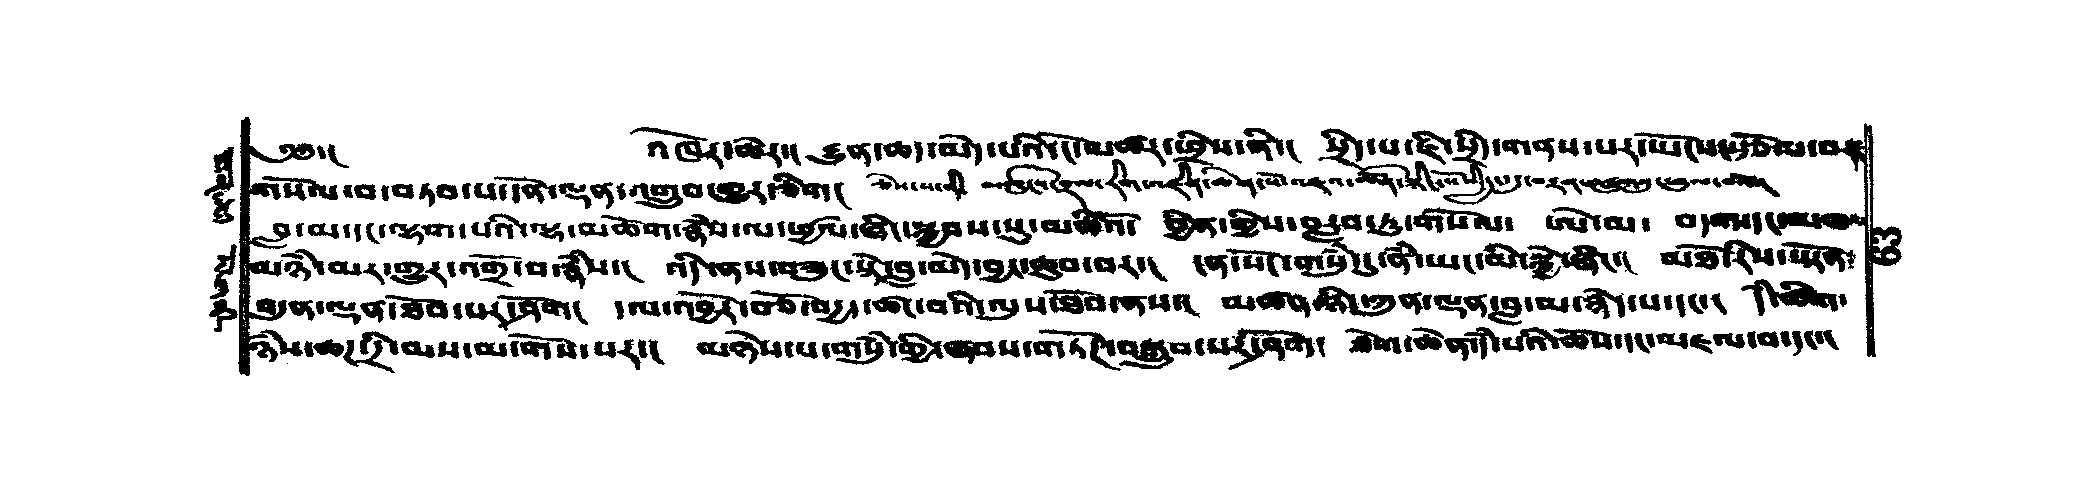འཁོར་ཆེ། །རྒྱུན་ཆད་མེད་པའི་ངོ་མཚར་ཕྲིན་ལས་ནི། །སྲིད་པ་ཇི་སྲིད་གནས་པར་ཡོངས་སྩོལ་བར། །
གསོལ་བ་བཏབ་པ་དོན་ལྡན་འགྲུབ་གྱུར་ཅིག ཅེས་པ་ནི་མཚུངས་བྲལ་རིག་འཛིན་ཆེན་པོ་འཇའ་ཚོན་སྙིང་པོའི་དྲུང་དུ་བརྟན་བཞུགས་སུ་ཕུལ་བའོ།། 
བླ་མ་དང་ལྷག་པའི་ལྷ་མཆོག་རྣམས་ལ་ཕྱག་འཚལ་ཞིང་སྐྱབས་སུ་མཆིའོ།བྱིན་གྱིས་བརླབ་ཏུ་གསོལ། ཨེ་མ། བདག་དང་མཁའ་
མཉམ་མར་གྱུར་འགྲོ་བ་རྣམས། །འདི་ནས་བཟུང་སྟེ་བླ་མེད་བྱང་ཆུབ་བར། །ངན་སོང་གསུམ་དུ་ནམ་ཡང་མི་སྐྱེ་ཞིང་། །མཐོ་རིས་ཡོན་ཏན་
བདུན་ལྡན་ཐོབ་པར་ཤོག །དལ་འབྱོར་བཅོ་བརྒྱད་ཚང་བའི་ལུས་ཐོབ་ནས། །མཚན་ཉིད་ཀུན་ལྡན་བླ་མ་རྙེད་པ་དང་། །དམ་ཚིག་
ཉམས་ཆགས་དྲི་མས་མ་གོས་པར། །མཉེས་པ་གསུམ་གྱི་ཞབས་ཏོག་བསྒྲུབ་པར་ཤོག ཐེག་ཆེན་དམ་པའི་ཆོས་དང་མཇལ་བ་དང་།